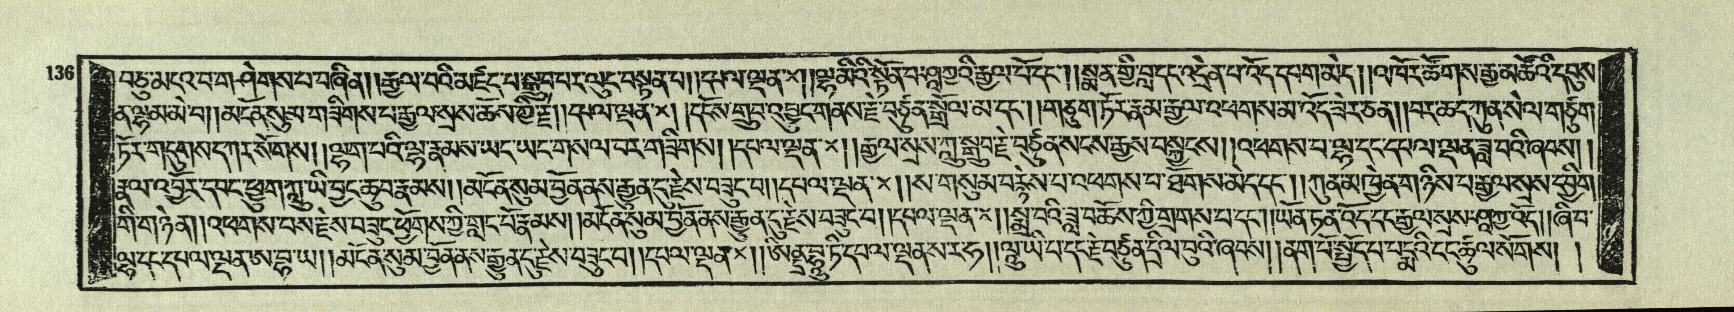བཅུ་མངའ་བ་གཤེགས་པ་བཞིན། །རྒྱལ་བའི་མཛད་པ་སྒྲུབ་པར་ལུང་བསྟན་པ། །དཔལ་ལྡན་྾། །ལྷ་མིའི་སྟོན་བ་ཤཱཀྱའི་རྒྱལ་པོ་དང་། །སྨན་གྱི་བླ་དང་འདྲེན་པ་འོད་དཔག་མེད། །འཁོར་ཚོགས་རྒྱ་མཚོའི་དབུས་
ན་ལྷམ་མེ་བ། །མངོན་སུམ་གཟིགས་པ་རྒྱལ་སྲས་ཆོས་ཀྱི་རྗེ། །དཔལ་ལྡན་྾། །དངོས་གྲུབ་འབྱུང་གནས་རྗེ་བཙུན་སྒྲོལ་མ་དང་། །གཅུག་ཏོར་རྣམ་རྒྱལ་འཕགས་མ་འོད་ཟེར་ཅན། །བར་ཆད་ཀུན་སེལ་གཙུག་
ཏོར་གདུགས་དཀར་སོགས། །ལྷག་པའི་ལྷ་རྣམས་ཡང་ཡང་གསལ་བར་གཟིགས། །དཔལ་ལྡན་྾། །རྒྱལ་སྲས་ཀླུ་སྒྲུབ་རྗེ་བཙུན་སངས་རྒྱས་བསྐྱངས། །འཕགས་པ་ལྷ་དང་དཔལ་ལྡན་ཟླ་བའི་ཞབས། །
རྣལ་འབྱོར་དབང་ཕྱུག་ཀླུ་ཡི་བྱང་ཆུབ་རྣམས། །མངོན་སུམ་བྱོན་ནས་རྒྱུན་དུ་རྗེས་བཟུང་བ། །དཔལ་ལྡན་྾། །ས་གསུམ་བརྙེས་པ་འཕགས་པ་ཐོགས་མེད་དང་། །ཀུན་མཁྱེན་གཉིས་པ་རྒྱལ་སྲས་དབྱིག་
གི་གཉེན། །འཕགས་པས་རྗེས་བཟུང་ཕྱོགས་ཀྱི་གླང་པོ་རྣམས། །མངོན་སུམ་བྱོན་ནས་རྒྱུན་དུ་རྗེས་བཟུང་བ། །དཔལ་ལྡན་྾། །སྨྲ་བའི་ཟླ་བ་ཆོས་ཀྱི་གྲགས་པ་དང་། །ཡོན་ཏན་འོད་དང་རྒྱལ་སྲས་ཤཱཀྱ་འོད། །ཞི་བ་
ལྷ་དང་དཔལ་ལྡན་ཨ་བྷ་ཡ། །མངོན་སུམ་བྱོན་ནས་རྒྱུན་དུ་རྗེས་བཟུང་བ། །དཔལ་ལྡན་྾། །ཨིནྡྲ་བྷཱུ་ཏི་དཔལ་ལྡན་ས་ར་ཧ། །ལཱུ་ཡི་པ་དང་རྗེ་བཙུན་དྲིལ་བུའི་ཞབས། །ནག་པོ་སྤྱོད་པ་པདམའི་ངང་ཚུལ་སོགས། །